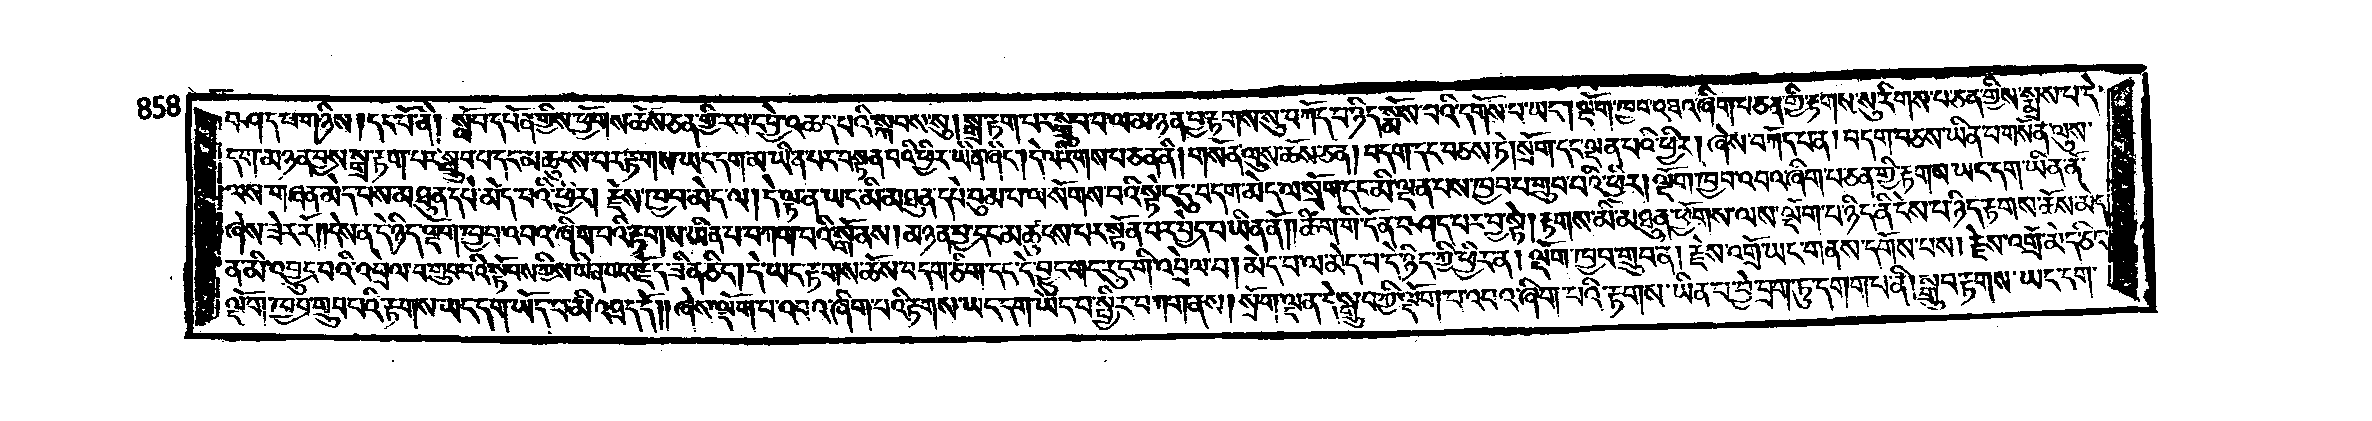བཤད་པ་གཉིས། དང་པོ་ནི། སློབ་དཔོན་གྱིས་ཕྱོགས་ཆོས་ཅན་གྱི་རབ་དབྱེ་འཆད་པའི་སྐབས་སུ། སྒྲ་རྟག་པར་སྒྲུབ་པ་ལ་མཉན་བྱ་རྟགས་སུ་བཀོད་པ་ཉིད་སྨོས་པའི་དགོས་པ་ཡང་། ལྡོག་ཁྱབ་འཐའ་ཞིག་པ་ཅན་གྱི་རྟགས་སུ་རིགས་པ་ཅན་གྱིས་སྨྲས་པ་དེ་
དག་མཉན་བྱས་སྒྲ་རྟག་པར་སྒྲུབ་པ་དང་མཚུངས་པར་རྟགས་ཡང་དག་མ་ཡིན་པར་བསྟན་པའི་ཕྱིར་ཡིན་ཞིང་།དེ་ལ་རིགས་པ་ཅན་ནི། གསོན་ལུས་ཆོས་ཅན། བདག་དང་བཅས་ཏེ། སྲོག་དང་ལྡན་པའི་ཕྱིར། ཞེས་བཀོད་པ་ན། བདག་བཅས་ཡིན་པ་གསོན་ལུས་
ལས་གཞན་མེད་པས་མཐུན་དཔེ་མེད་པའི་ཕྱིར། རྗེས་ཁྱབ་མེད་ལ། དེ་ལྟ་ན་ཡང་མི་མཐུན་དཔེ་བུམ་པ་ལ་སོགས་པའི་སྟེང་དུ་བདག་མེད་ལ་སྲོག་དང་མི་ལྡན་པས་ཁྱབ་པ་གྲུབ་པའི་ཕྱིར། ལྡོག་ཁྱབ་འབའ་ཞིག་པ་ཅན་གྱི་རྟགས་ཡང་དག་ཡིན་ནོ་
ཞེས་ཟེར་རོ། །དེས་ན་དེ་ཉིད་ལྡོག་ཁྱབ་འབའ་ཞིག་པའི་རྟགས་ཡིན་པ་བཀག་པའི་སྒོ་ནས། མཉན་བྱ་དང་མཚུངས་པར་སྟོན་པར་བྱེད་པ་ཡིན་ནོ། །ཚིག་གི་དོན་བཤད་པར་བྱ་སྟེ། རྟགས་མི་མཐུན་ཕྱོགས་ལས་ལྡོག་པ་ཉིད་ནི་ངེས་པ་ཉིད་རྟགས་ཆོས་མེད་
ན་མི་འབྱུང་བའི་འབྲེལ་བ་གྲུབ་པའི་སྟོབས་ཀྱིས་ཡིན་པར་བརྗོད་ཟིན་ཅིང་།དེ་ཡང་རྟགས་ཆོས་བདག་ཅིག་དང་དེ་བྱུང་གང་རུང་གི་འབྲེལ་བ། མེད་པ་ལ་མེད་པ་དེ་ཉིད་ཀྱི་ཕྱིར་ན། ལྡོག་ཁྱབ་གྲུབ་ན། རྗེས་འགྲོ་ཡང་གནས་པ་དགོས་པས། རྗེས་འགྲོ་མེད་ཅིང་
ལྡོག་ཁྱབ་གྲུབ་པའི་རྟགས་ཡང་དག་ཡོད་པ་མི་འཐད་དོ། །ཞེས་ལྡོག་པ་འབའ་ཞིག་པའི་རྟགས་ཡང་དག་ཡོད་པ་སྤྱིར་བཀག་ནས། སྲོག་ལྡན་དེ་སྒྲུབ་ཀྱི་ལྡོག་པ་འབའ་ཞིག་པའི་རྟགས་ཡིན་པ་བྱེ་བྲག་ཏུ་དགག་པ་ནི། སྒྲུབ་རྟགས་ཡང་དག་